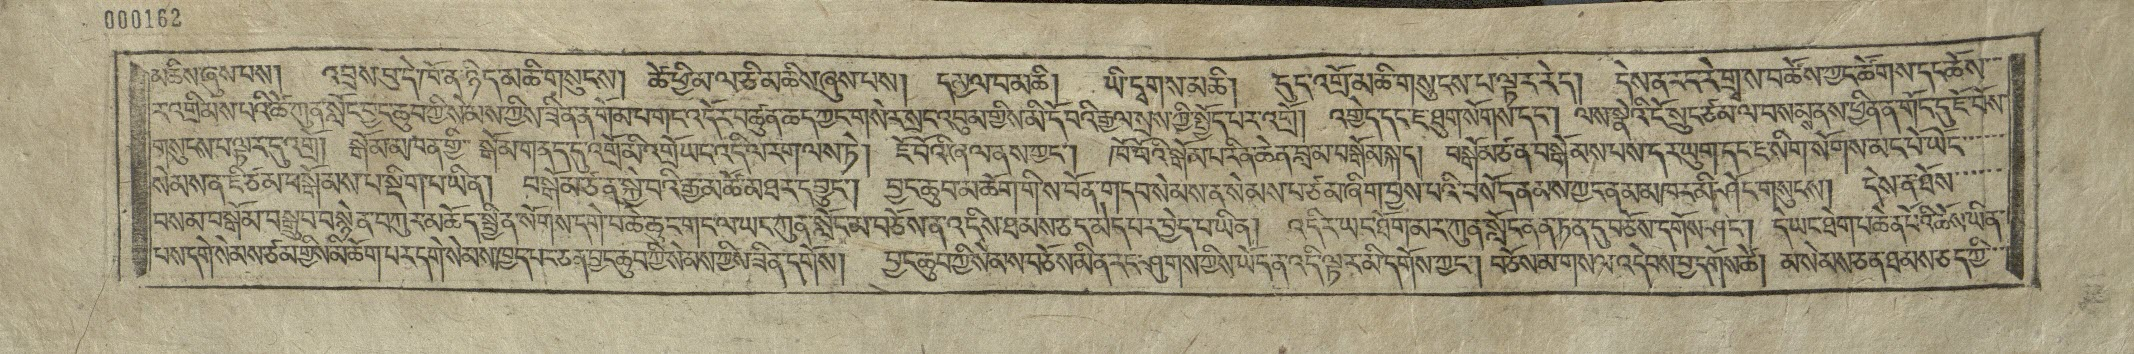མཆིས་ཞུས་པས། འབྲས་བུ་དེ་ཁོ་ན་ཉིད་མཆི་གསུངས། ཚེ་ཕྱི་མ་ལ་ཅི་མཆིས་ཞུས་པས། དམྱལ་བ་མཆི། ཡི་དྭགས་མཆི། དུད་འགྲོ་མཆི་གསུངས་པ་ལྟར་རེད། དེས་ན་རང་རེ་གྲྭ་ས་བ་ཚོས་ཀྱང་ཚོགས་དང་ཆོས་
ར་འགྲིམས་པའི་ཚེ་ཀུན་སློང་བྱང་ཆུབ་ཀྱི་སེམས་ཀྱིས་ཟིན་ན་གོམ་པ་གང་འདོར་བ་ཚུན་ཆད་ཀྱང་གསེར་སྲང་འབུམ་གྱིས་མི་དོ་བའི་རྒྱལ་སྲས་ཀྱི་སྤྱོད་པར་འགྲོ། འགྱེད་དང་ཇ་ཐུག་སོགས་དང་། ལས་སྣེའི་ངོ་སྲུང་ཙམ་ལ་བསམས་ནས་ཕྱིན་ན་གོང་དུ་ཇོ་བོས་
གསུངས་པ་ལྟར་དུ་འགྲོ། སྒོམ་མཁན་གྱི་སྒོམ་གནད་དུ་འགྲོ་མི་འགྲོ་ཡང་འདི་ལ་རག་ལས་ཏེ། ཇོ་བོའི་ཞལ་ནས་ཀྱང་། ཁོ་བོའི་སྒོམ་པ་རིན་ཆེན་བླ་མ་བསྒོམ་སྐད། བསྒོམ་ཙ་ན་བསྒོམས་པས་དར་ཡུག་དང་ཇ་སིག་སོགས་མང་པོ་ཡོང་
སེམས་ན་ཇི་ཙམ་བསྒོམས་པ་སྡིག་པ་ཡིན། བསྒོམ་ཙ་ན་སྐྱེ་བའི་རྒྱ་མཚོ་མཐར་དབྱུང་། བྱང་ཆུབ་མཆོག་གི་ས་བོན་གདབ་སེམས་ན་སེམས་པ་ཙམ་ཞིག་བྱས་པའི་བསོད་ནམས་ཀྱང་ནམ་མཁར་མི་ཤོང་གསུངས། དེས་ན་ཐོས་
བསམ་བསྒོམ་བསྒྲུབ་བསྙེན་བཀུར་མཆོད་སྦྱིན་སོགས་དགེ་བ་ཆེ་ཆུང་གང་ལ་ཡང་ཀུན་སློང་མ་བཅོས་ན་འདིས་ཐམས་ཅད་མེད་པར་བྱེད་པ་ཡིན། འདིར་ཡང་ཐོག་མར་ཀུན་སློང་ནན་ཏན་དུ་བཅོས་དགོས་ཤིང་། དེ་ཡང་ཐེག་པ་ཆེན་པོའི་ཆོས་ཡིན་
པས་དགེ་སེམས་ཙམ་གྱིས་མི་ཆོག་པར་དགེ་སེམས་ཁྱད་པར་ཅན་བྱང་ཆུབ་སེམས་ཀྱིས་ཟིན་དགོས། བྱང་ཆུབ་ཀྱི་སེམས་བཅོས་མིན་རང་ཤུགས་ཀྱིས་ཡོད་ན་འདི་ལྟར་མི་དགོས་ཀྱང་། བཅོས་མ་གསལ་འདེབས་བྱ་དགོས་ཚེ། མ་སེམས་ཅན་ཐམས་ཅད་ཀྱི་